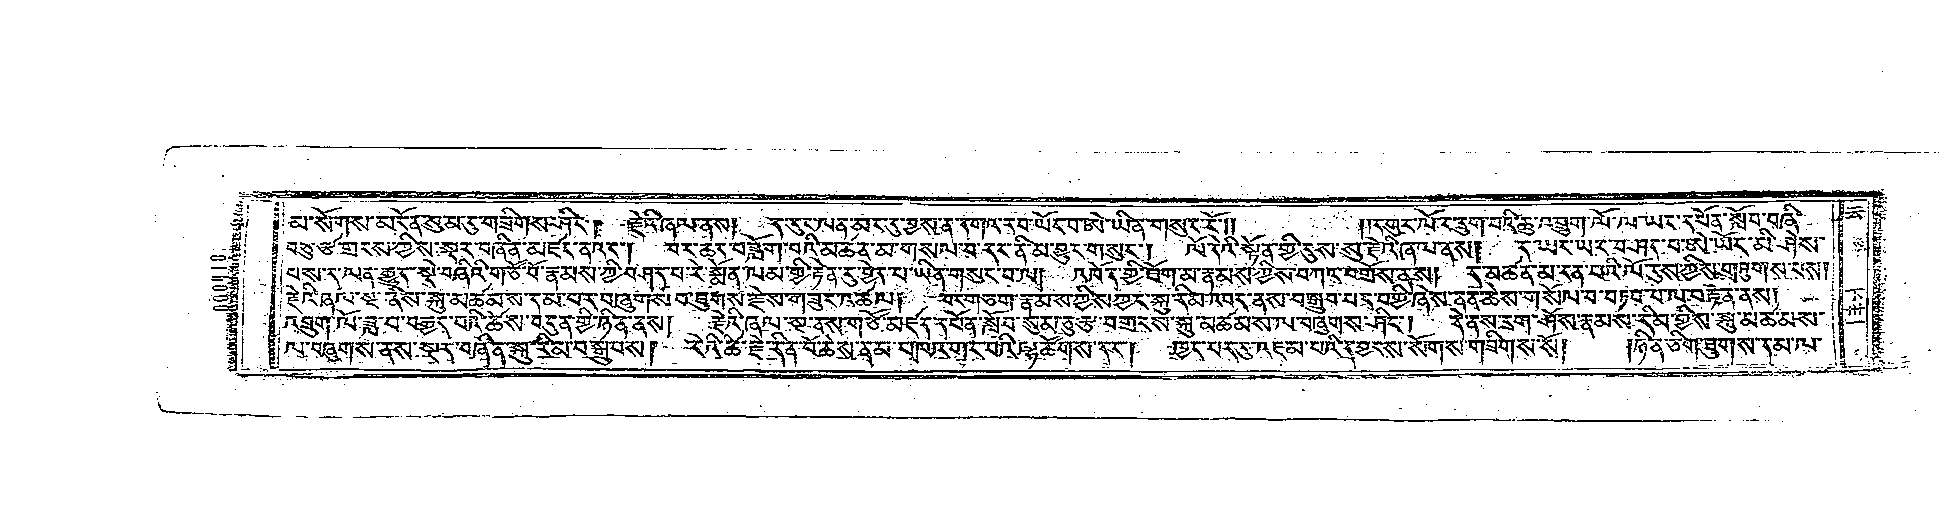མ་སོགས་མངོན་སུམ་དུ་གཟིགས་ཤིང་། རྗེའི་ཞལ་ནས། ད་དུང་ལན་མང་དུ་བྱས་ན་དགའ་རབ་ཡོང་བ་ཨེ་ཡིན་གསུང་ངོ།། །།དགུང་ལོ་ང་དྲུག་པའི་ཆུ་འབྲུག་ལོ་ལ་ཡང་དཔོན་སློབ་བཞི་
བཅུ་རྩ་གྲངས་ཀྱིས་སྔར་བཞིན་མཛད་ནའང་། བར་ཆད་བཟློག་བའི་མཚན་མ་གསལ་བ་རང་ནི་མ་བྱུང་གསུང་། ལོ་དེའི་སྟོན་གྱི་དུས་སུ་རྗེའི་ཞལ་ནས། ད་ཡང་ཡང་བཤད་པ་ཨེ་ཡོང་མི་ཤེས་
པས་ད་ལན་རྒྱུད་སྡེ་བཞིའི་གཙོ་བོ་རྣམས་ཀྱི་བཤད་པ་རེ་སྨོན་ལམ་གྱི་རྟེན་དུ་བྱེད་པ་ཡིན་གསུང་བ་ལ། འཁོར་གྱི་ཐོག་མ་རྣམས་ཀྱིས་བཀའ་བགྲོས་ནས། ད་མཚན་མ་ངན་པའི་ལོ་དུས་ཀྱིས་གཞུགས་པས།
རྗེའི་ཞལ་སྔ་ནི་ས་སྐུ་མཚམས་དམ་པར་བཞུགས་པ་ཐུགས་རྗེས་གཟུང་འཚལ། བདག་ཅག་རྣམས་ཀྱིས་ཀྱང་སྐུ་རིམ་འབད་ནས་བསྒྲུབ་པར་བགྱི་ཞེས་ནན་ཆེས་གསོལ་བ་བཏབ་པ་ལ་བརྟེན་ནས།
འབྲུག་ལོ་ཟླ་བ་བརྒྱད་བའི་ཚེས་བདུན་གྱི་ཉིན་ནས། རྗེའི་ཞལ་སྔ་ནས་གཙོ་མཛད་དཔོན་སློབ་སུམ་ཅུ་རྩ་བགྲངས་སྐུ་མཚམས་ལ་བཞུགས་ཤིང་། དེ་ནས་དྲག་ཤོས་རྣམས་རིམ་གྱིས་སྐུ་མཚམས་
ལ་བཞུགས་ནས་སྔར་བཞིན་སྐུ་རིམ་བསྒྲུབས། དེའི་ཚེ་རྗེ་རིན་པོ་ཆེས་ནམ་མཁའ་གང་བའི་ལྷ་ཚོགས་དང་། ཁྱད་པར་དུ་འཇམ་པའི་དབྱངས་སོགས་གཟིགས་སོ། །ཉིན་ཅིག་ཐུགས་དམ་ལ་